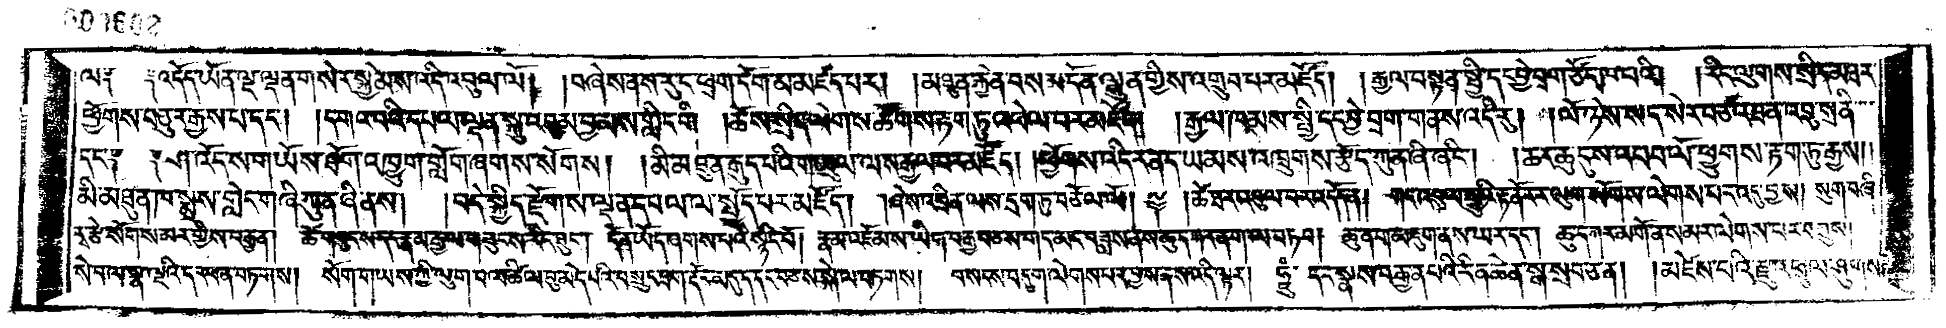ལ༑ ༑འདོད་ཡོན་ལྔ་ལྡན་གསེར་སྐྱེམས་འདི་འབུལ་ལོ། །བཞེས་ནས་རུ་ང་ཕྲག་དོག་མ་མཛད་པར། །མཐུན་རྐྱེན་བསམ་དོན་ལྷུན་གྱིས་འགྲུབ་པར་མཛོད། །རྒྱལ་བསྟན་སྤྱི་དང་བྱེ་བྲག་ཙོང་ཁ་པའི། །རིང་ལུགས་སྲིད་མཐར་
ཕྱོགས་བཅུར་རྒྱས་པ་དང་། །དགའ་བའི་དཔལ་ལྡན་སྐུ་འབུམ་བྱམས་གླིང་གི །ཆོས་སྲིད་ལེགས་ཚོགས་རྟག་ཏུ་འཕེལ་བར་མཛོད། །རྒྱལ་ཁམས་སྤྱི་དང་བྱེ་བྲག་གནས་འདི་རུ། །ལོ་ཉེས་སད་སེར་བཙའ་ཐན་འབུ་སྲན་ནི་
དང༑ ༑ཤ་འོད་ས་གཡོས་ཐོག་འཁྱུག་གློག་ཞགས་སོགས། །མི་མཐུན་རྒུད་པའི་གཡུལ་ལས་རྒྱལ་བར་མཛོད། །ཕྱོགས་འདིར་ནད་ཡམས་འཁྲུགས་རྩོད་ཀུན་ཞི་ཞིང་། །ཆར་ཆུ་དུས་འབབ་ལོ་ཕྱུགས་རྟག་ཏུ་རྒྱས།།
མི་མཐུན་ཁ་སྨྲས་གླིང་གཞི་ཀུན་ཞི་ནས། །བདེ་སྐྱིད་རྫོགས་ལྡན་དཔལ་ལ་སྤྱོད་པར་མཛོད། །ཞེས་འཕྲིན་ལས་དྲག་ཏུ་བཅོལ་ལོ། ༈ །ཚེ་ཐར་འབུལ་བར་འདོད་ན། གང་འབུལ་རྒྱུའི་རྟ་ནོར་ར་ལུག་སོགས་ལེགས་པར་འདུ་བྱས། སུག་བཞི་
རྭ་རྩེ་སོགས་མར་གྱིས་བརྒྱན། ཚེ་གཟུངས་དང་རྣམ་རྒྱལ་གཟུངས་རིང་ཐུང་། དོན་ཡོད་ཞགས་པའི་སྙིང་པོ། རྣམ་འཇོམས་ཡིག་བརྒྱ་བཅས་གང་མང་བཟླས་ནས་ཆུ་དཀར་ནག་ལ་བཏབ། ཆུ་ནག་མཇུག་ནས་ཡར་དང་། ཆུ་དཀར་མགོ་ནས་མར་ལེགས་པར་བཀྲུས།
སེ་བ་ལ་སྣ་ལྔའི་དར་ཕན་བཏགས། སོག་གཡས་ཀྱི་ལུག་བལ་ཚིལ་བུ་མེད་པའི་བསྲུང་ཐག་རྡོར་མདུད་དང་བཅས་སྐེ་ལ་བཏགས། བསངས་བདུག་ལེགས་པར་བྱས་ནས་འདི་ལྟར། ཧཱུཾ་དར་སྣས་བརྒྱན་པའི་རིན་ཆེན་སྒ་སྲབ་ཅན། །མཛེས་པའི་རྫུ་འཕྲུལ་ཤུགས་